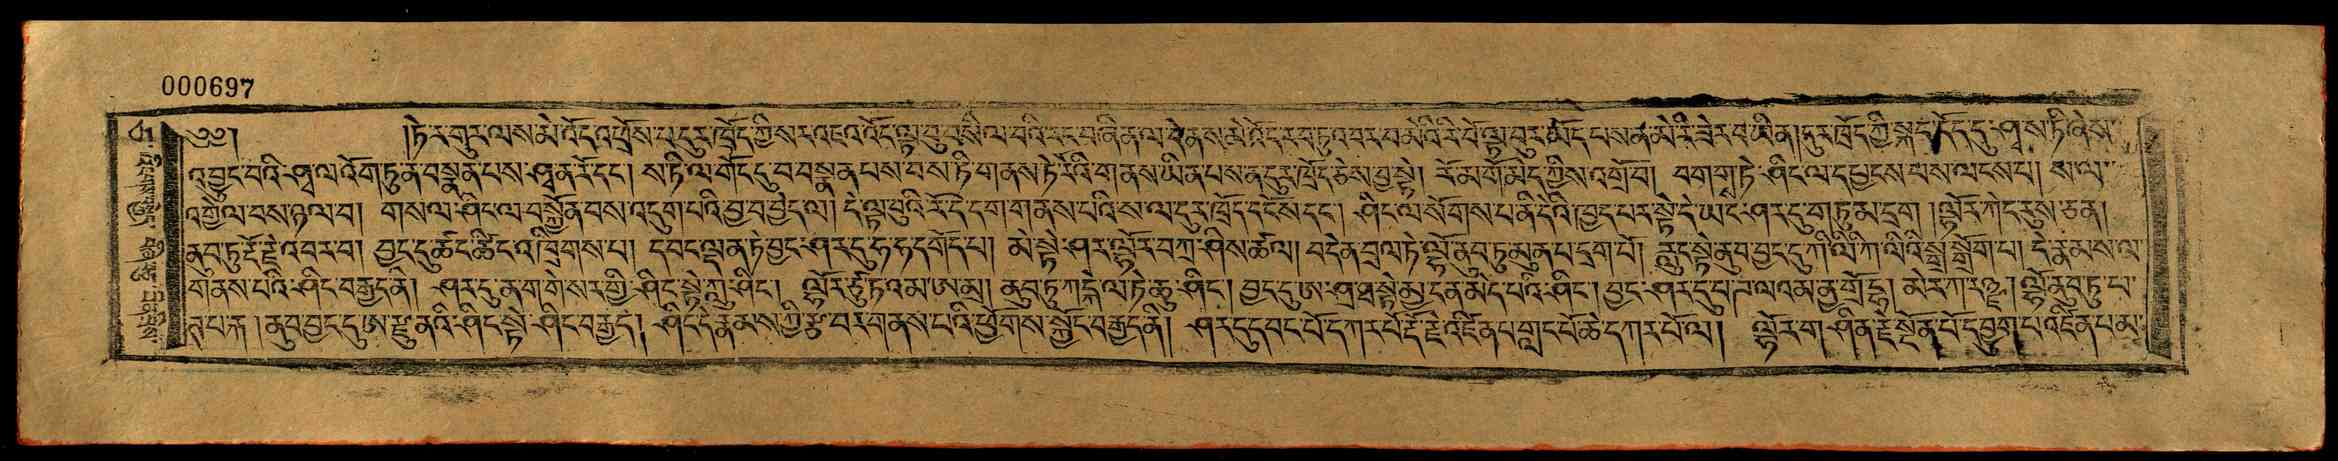༄༅། །ཏེ་རྭ་གུར་ལས་མེ་འོད་འཕྲོས་པ་དུར་ཁྲོད་ཀྱི་སར་འཇའ་འོད་ལྟ་བུ་བསིལ་བའི་རང་བཞིན་ལ་དེ་ནས་མེ་འོད་རབ་ཏུ་འབར་བ་མེའི་རི་བོ་ལྟ་བུར་ཡོད་པས་ན་མེ་རི་ཟེར་བ་ཡིན། དུར་ཁྲོད་ཀྱི་སྐད་དོད་དུ་ཤ་ས་ཏི་ཞེས་
འབྱུང་བའི་ཤྭ་ལ་འོག་ཏུ་ན་བསྣན་པས་ཤྭ་ན་རོ་དང་། ས་ཏི་ལ་གོང་དུ་བ་བསྣན་པས་བ་ས་ཏི་གནས་ཏེ་རོའི་གནས་ཡིན་པས་ན་དུར་ཁྲོད་ཅེས་བྱ་སྟེ། རོ་མགོ་མེད་ཀྱིས་འགྲོ་བ། བགགས་ཏེ་ཤིང་ལ་དཔྱངས་པས་ལངས་པ། ས་ལ་
འགྱེལ་བས་ཉལ་བ། གསལ་ཤིང་ལ་བསྐྱོན་པས་འདུག་པའི་བྱ་བ་བྱེད་ལ། དེ་ལྟ་བུའི་རོ་དེ་དག་གནས་པའི་ས་ལ་དུར་ཁྲོད་དངོས་དང་། ཤིང་ལ་སོགས་པ་ནི་དེའི་ཁྱད་པར་སྟེ་དེ་ཡང་ཤར་དུ་གཏུམ་དྲག །ལྷོར་ཀེད་རུས་ཅན།
ནུབ་ཏུ་རྡོ་རྗེ་འབར་བ། བྱང་དུ་ཚང་ཚིང་འཁྲིགས་པ། དབང་ལྡན་ཏེ་བྱང་ཤར་དུ་ཧ་ཧ་དགོད་པ། མེ་སྟེ་ཤར་ལྷོར་བཀྲ་ཤིས་ཚལ། བདེན་བྲལ་ཏེ་ལྷོ་ནུབ་ཏུ་མུན་པ་དྲག་པོ། རླུང་སྟེ་ནུབ་བྱང་དུ་ཀི་ལི་ཀི་ལིའི་སྒྲ་སྒྲོག་པ། དེ་རྣམས་ལ་
གནས་པའི་ཤིང་བརྒྱད་ནི། ཤར་དུ་ན་ག་གེ་སར་གྱི་ཤིང་སྟེ་ཀླུ་ཤིང་། ལྷོར་ཙུ་ཏའམ་ཨ་མྲ། ནུབ་ཏུ་ཀངྐེ་ལ་ཏེ་ཆུ་ཤིང་། བྱང་དུ་ཨ་ཤྭ་ཐ་སྟེ་མྱ་ངན་མེད་པའི་ཤིང་། བྱང་ཤར་དུ་པ་ཌ་ལའམ་ཉ་གྲོ་དྷ། མེར་ཀ་རཉྫ། ལྷོ་ནུབ་ཏུ་པ་
ཊ་པརྐ །ནུབ་བྱང་དུ་ཨརྫུ་ནའི་ཤིང་སྟེ་ཤིང་བརྒྱད། ཤིང་དེ་རྣམས་ཀྱི་རྩ་བར་གནས་པའི་ཕྱོགས་སྐྱོང་བརྒྱད་ནི། ཤར་དུ་དབང་པོ་དཀར་པོ་རྡོ་རྗེ་འཛིན་པ་གླང་པོ་ཆེ་དཀར་པོ་ལ། ལྷོར་གཤིན་རྗེ་སྔོན་པོ་དབྱུག་པ་འཛིན་པ་མ་